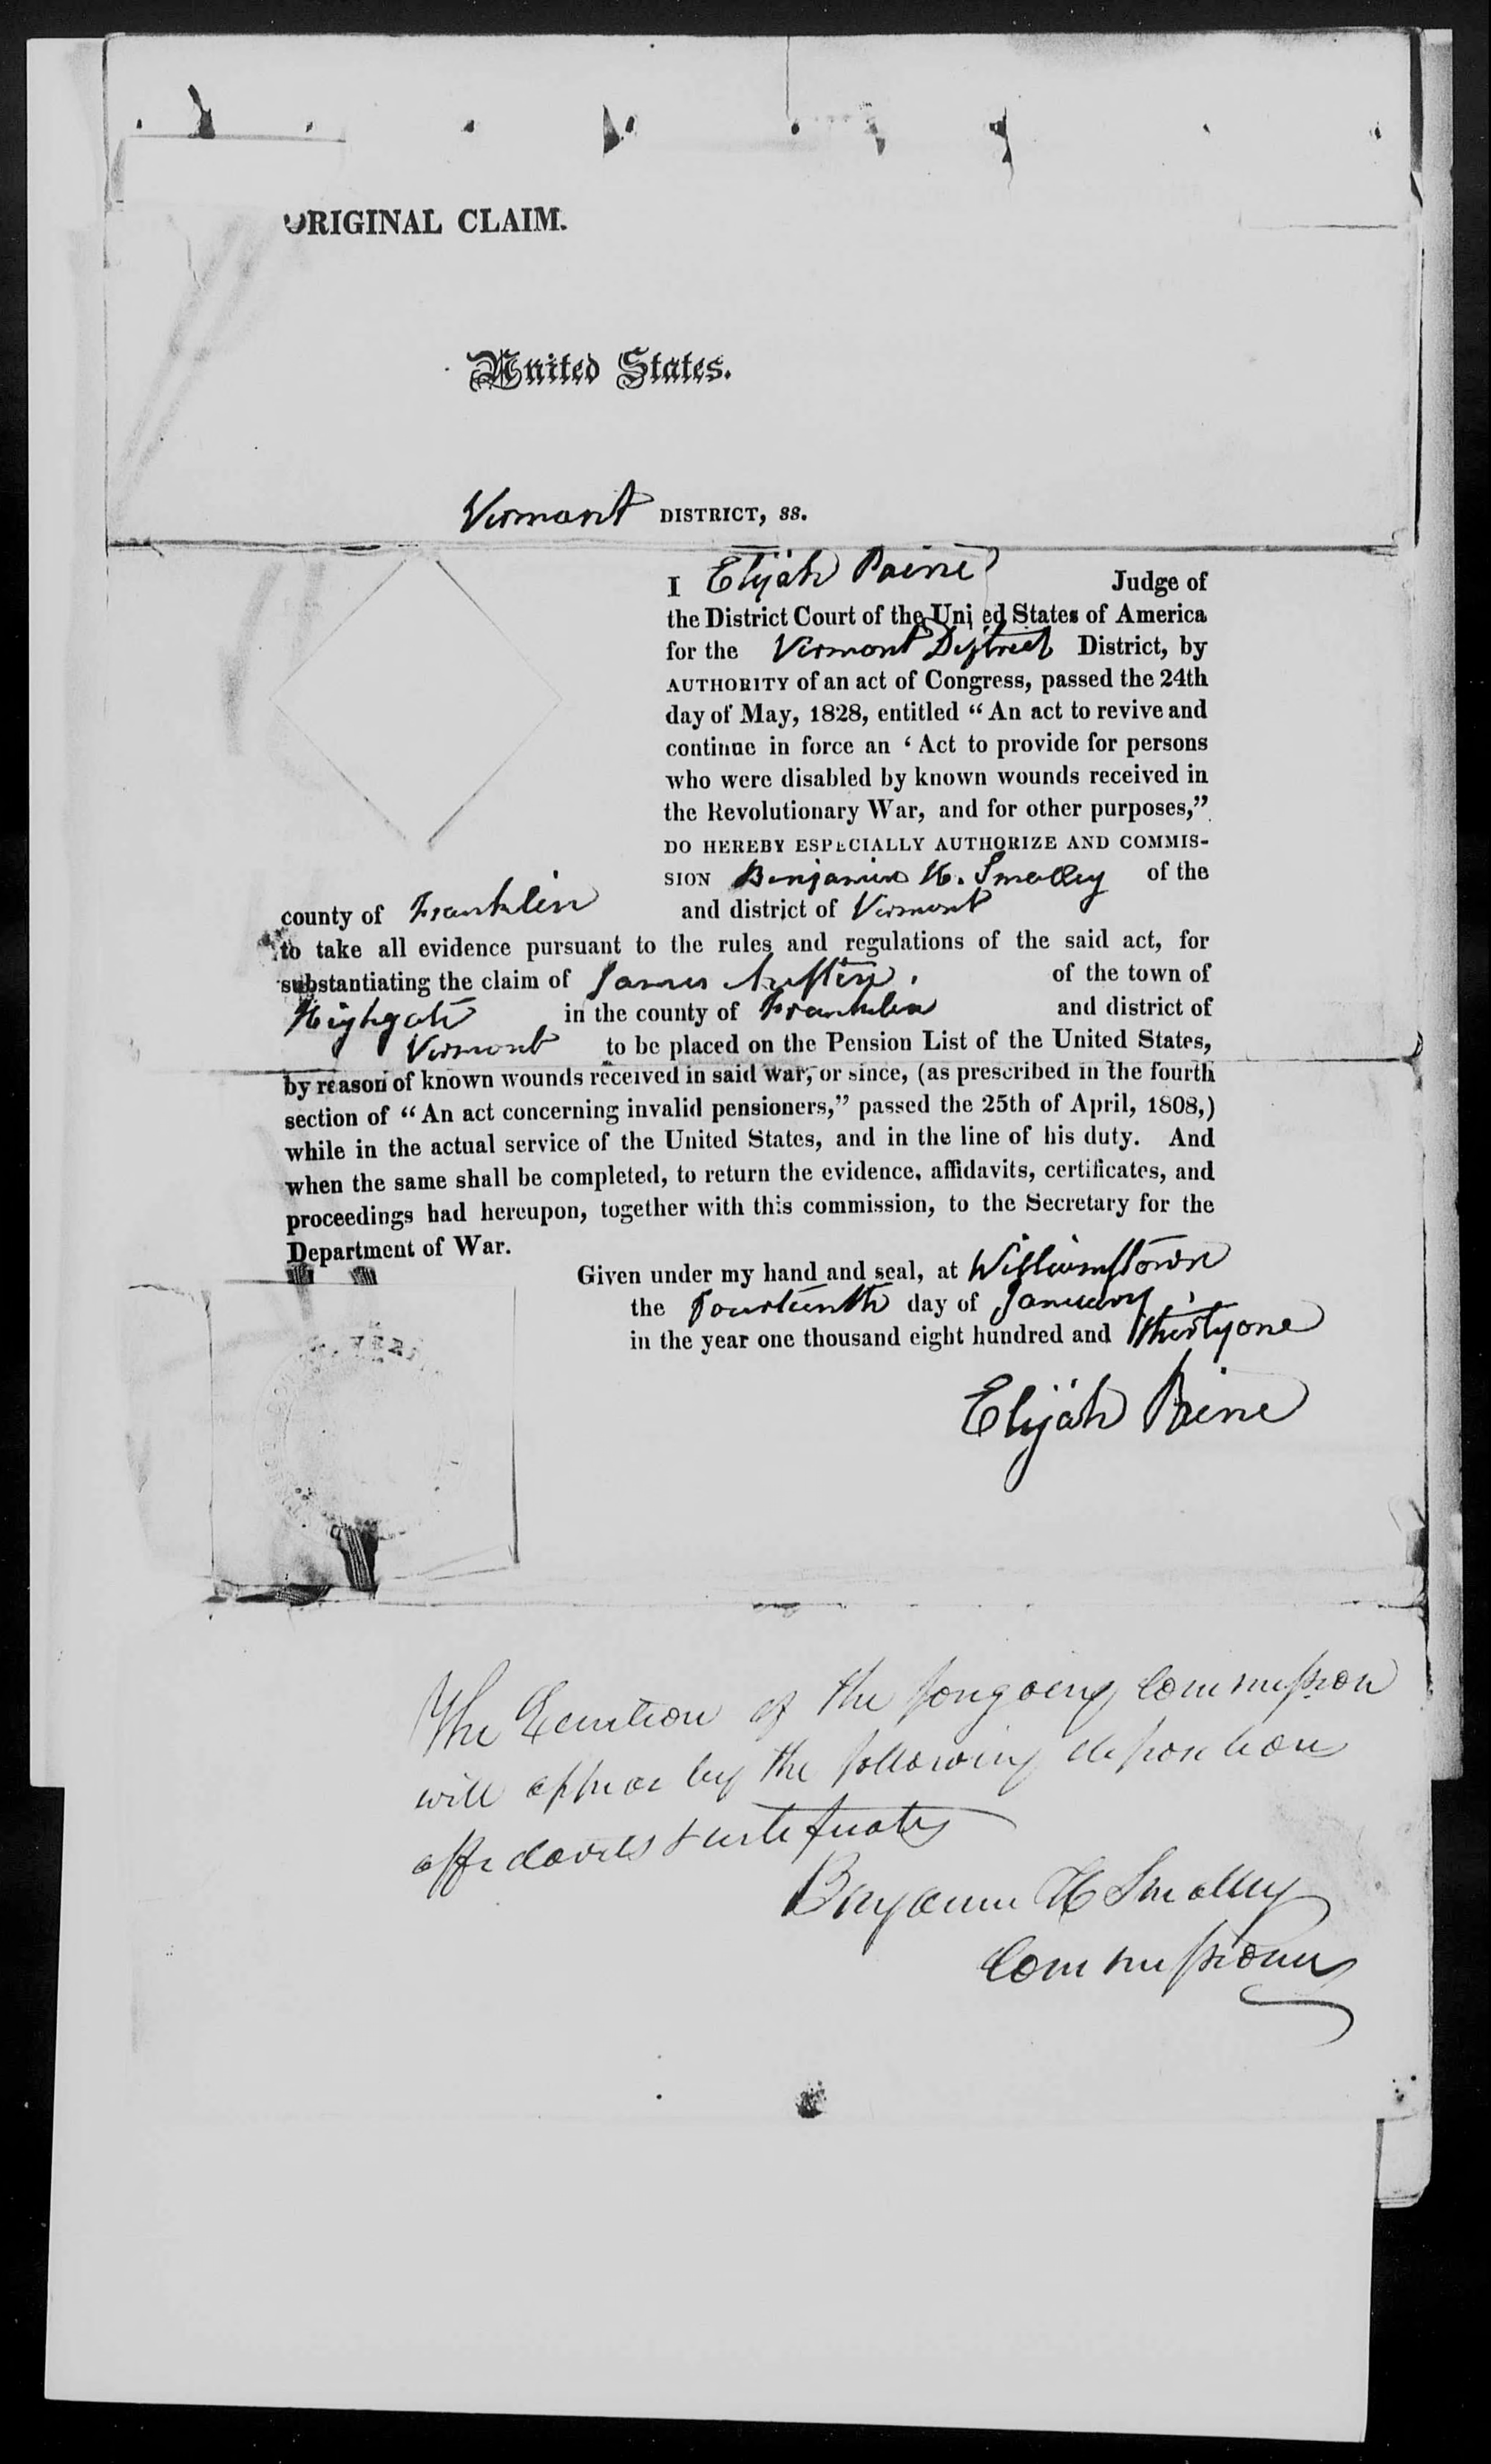Original Claim.
United States.
Vermont District, 88.

I Elijah Paine Judge of the District Court of the United States of America for the Vermont District District, by Authority of an act of Congress, passed the 24th day of May, 1828, entitled "An act to revive and continue in force an 'Act to provide for persons who were disabled by known wounds received in the Revolutionary War, and for other purposes," do hereby especially authorize and commission Benjamin H. Smalley of the county of Franklin and district of Vermont to take all evidence pursuant to the rules and regulations of the said act, for substantiating the claim of James Austin of the town of Highgate in the county of Franklin and district of Vermont to be placed on the Pension List of the United States, by reason of known wounds received in said war, or since, (as prescribed in the fourth section of "An act concerning invalid pensioners," passed the 25th of April, 1808,) while in the actual service of the United States, and in the line of his duty. And when the same shall be completed, to return the evidence, affidavits, certificates, and when the same shall be completed, to return the evidence, affidavits, certificates, and proceedings had hereupon, together with this commission, to the Secretary, for the Department of War.
Given under my hand and seal, at Williamtown the fourteenth day of January in the year one thousand eight hundred and thirtyone.
Elijah Paine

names: Elijah Paine, James Austin, Benjamin H Smalley, Elijah Paine, Benjamin H Smalley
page: 3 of 100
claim: survivor's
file: S 19186, James Austin, Conn. New York R.I.